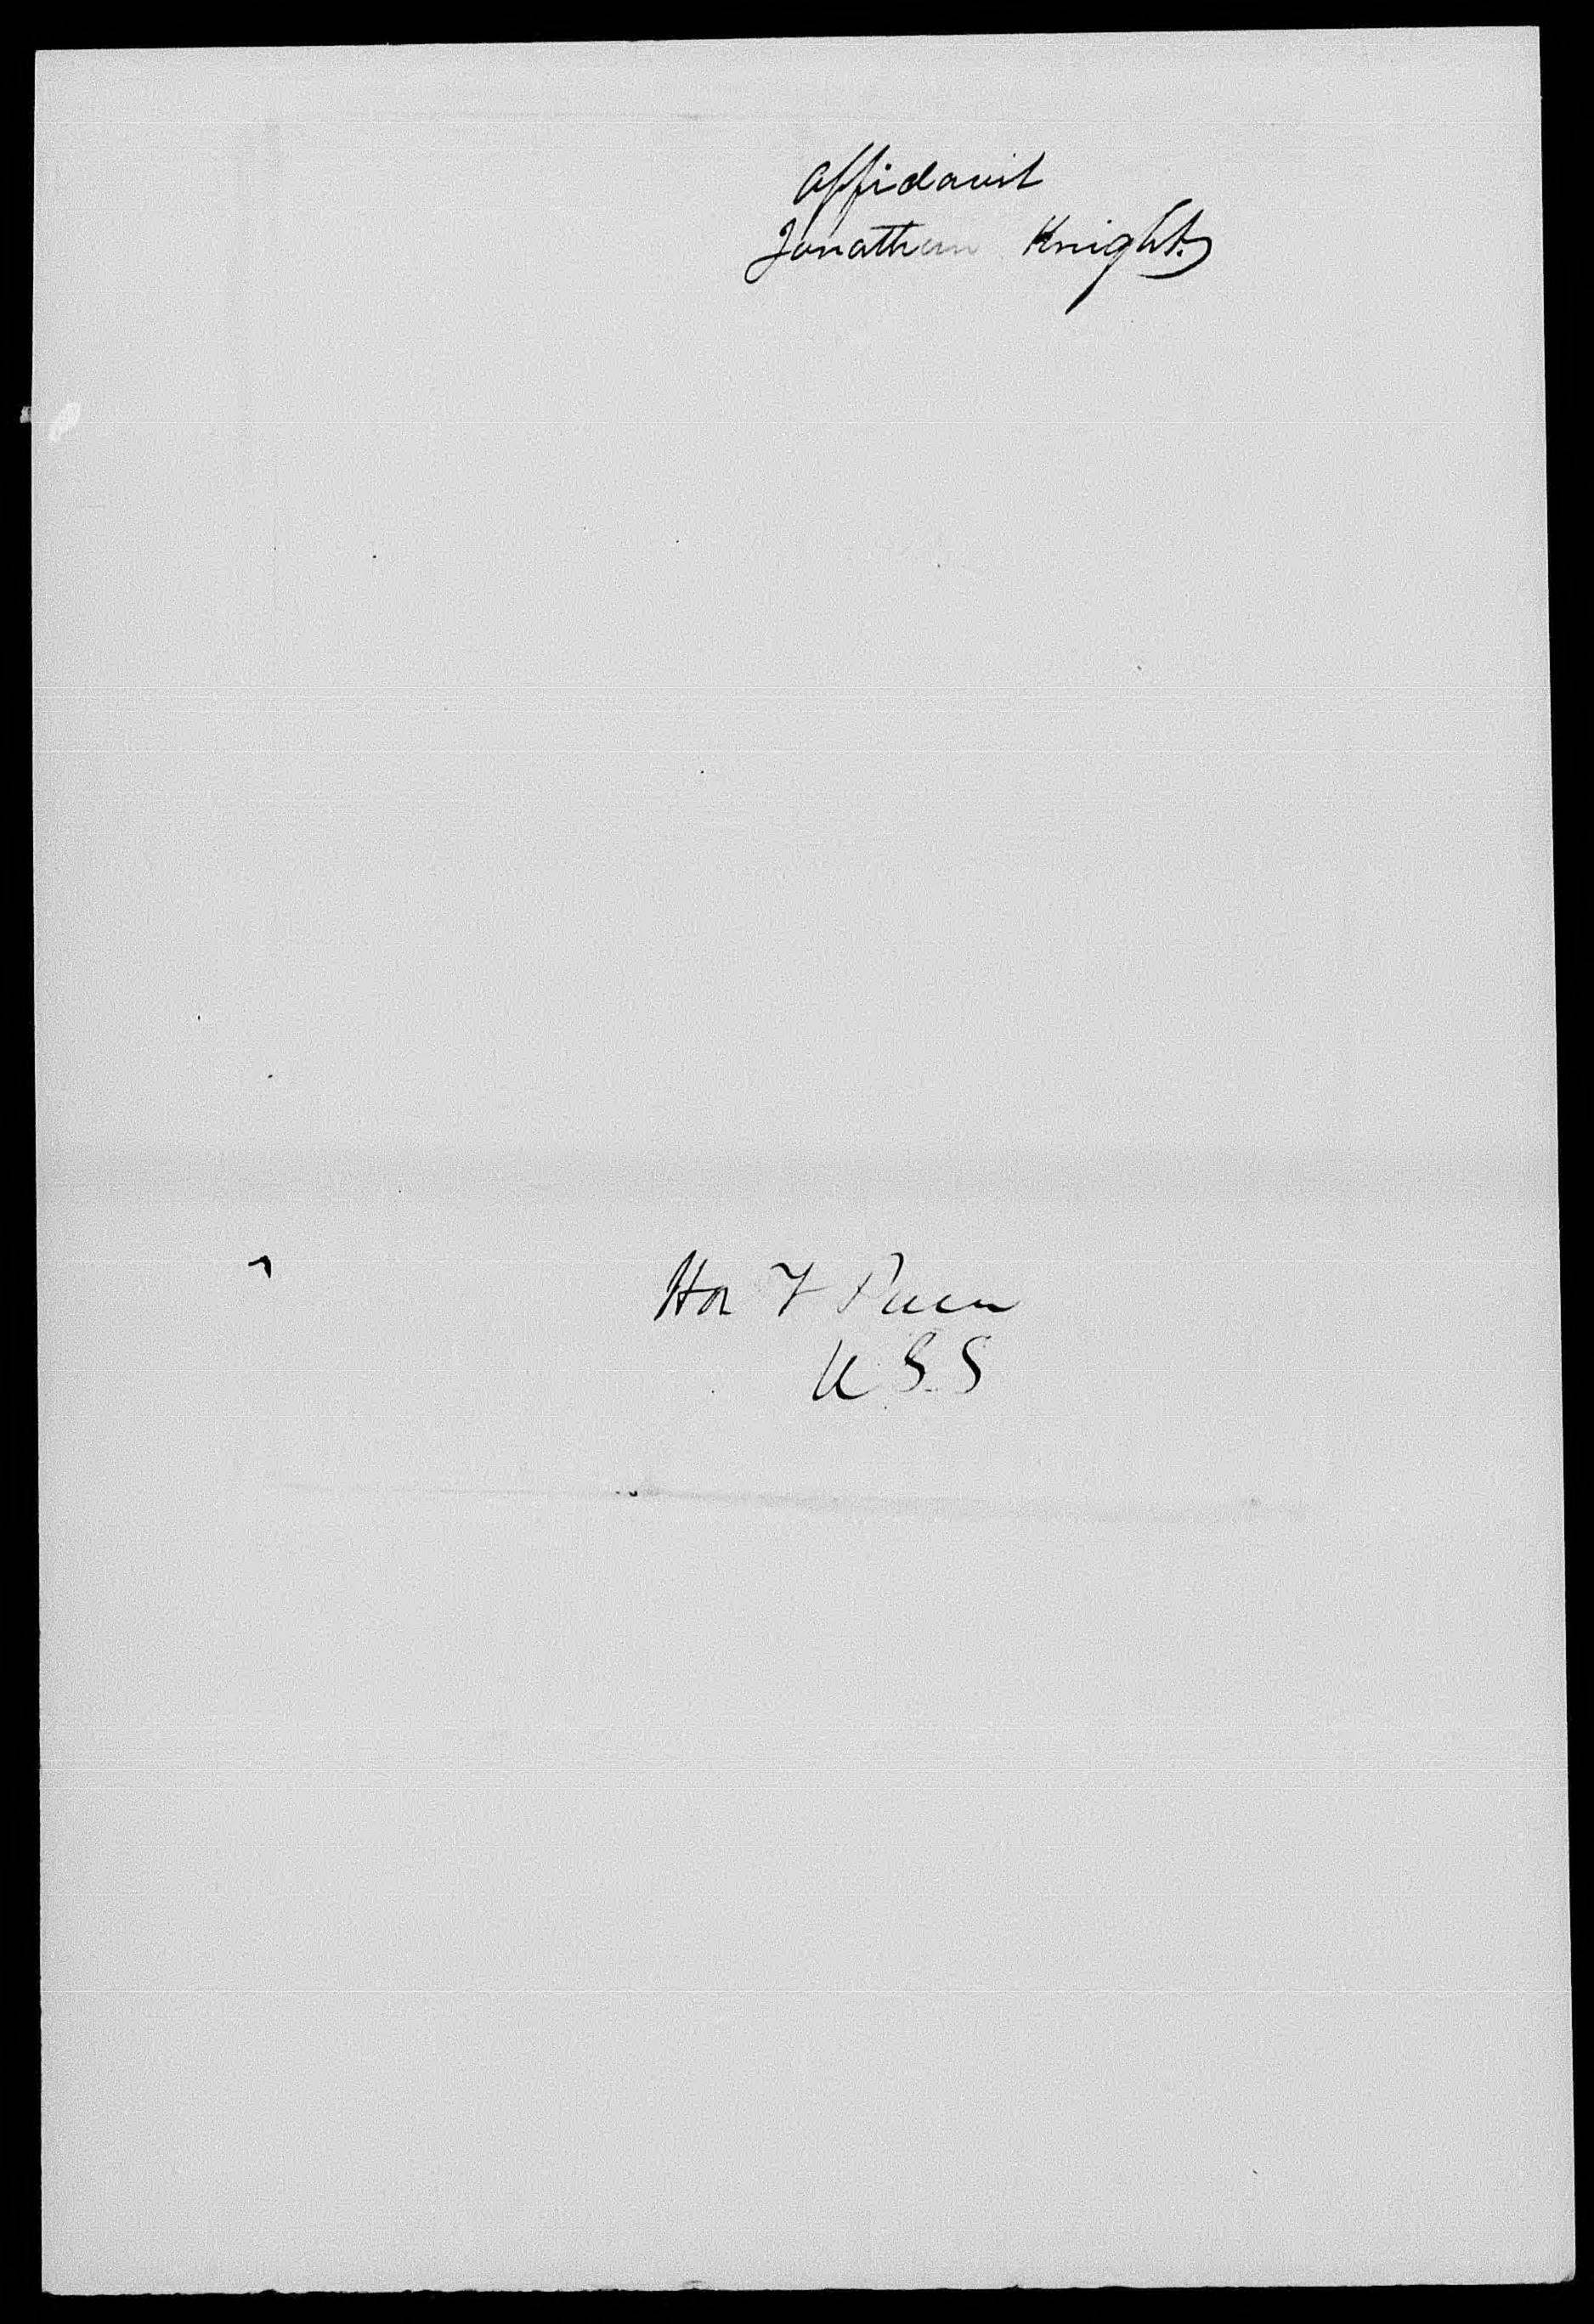Affidavit Jonathan Knightly 
Ho[illegible] Puen
USS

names: F Pierce, Jonathan Knight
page: 19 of 22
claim: widow's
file: W. 22984, John Dwinnell, Mass.